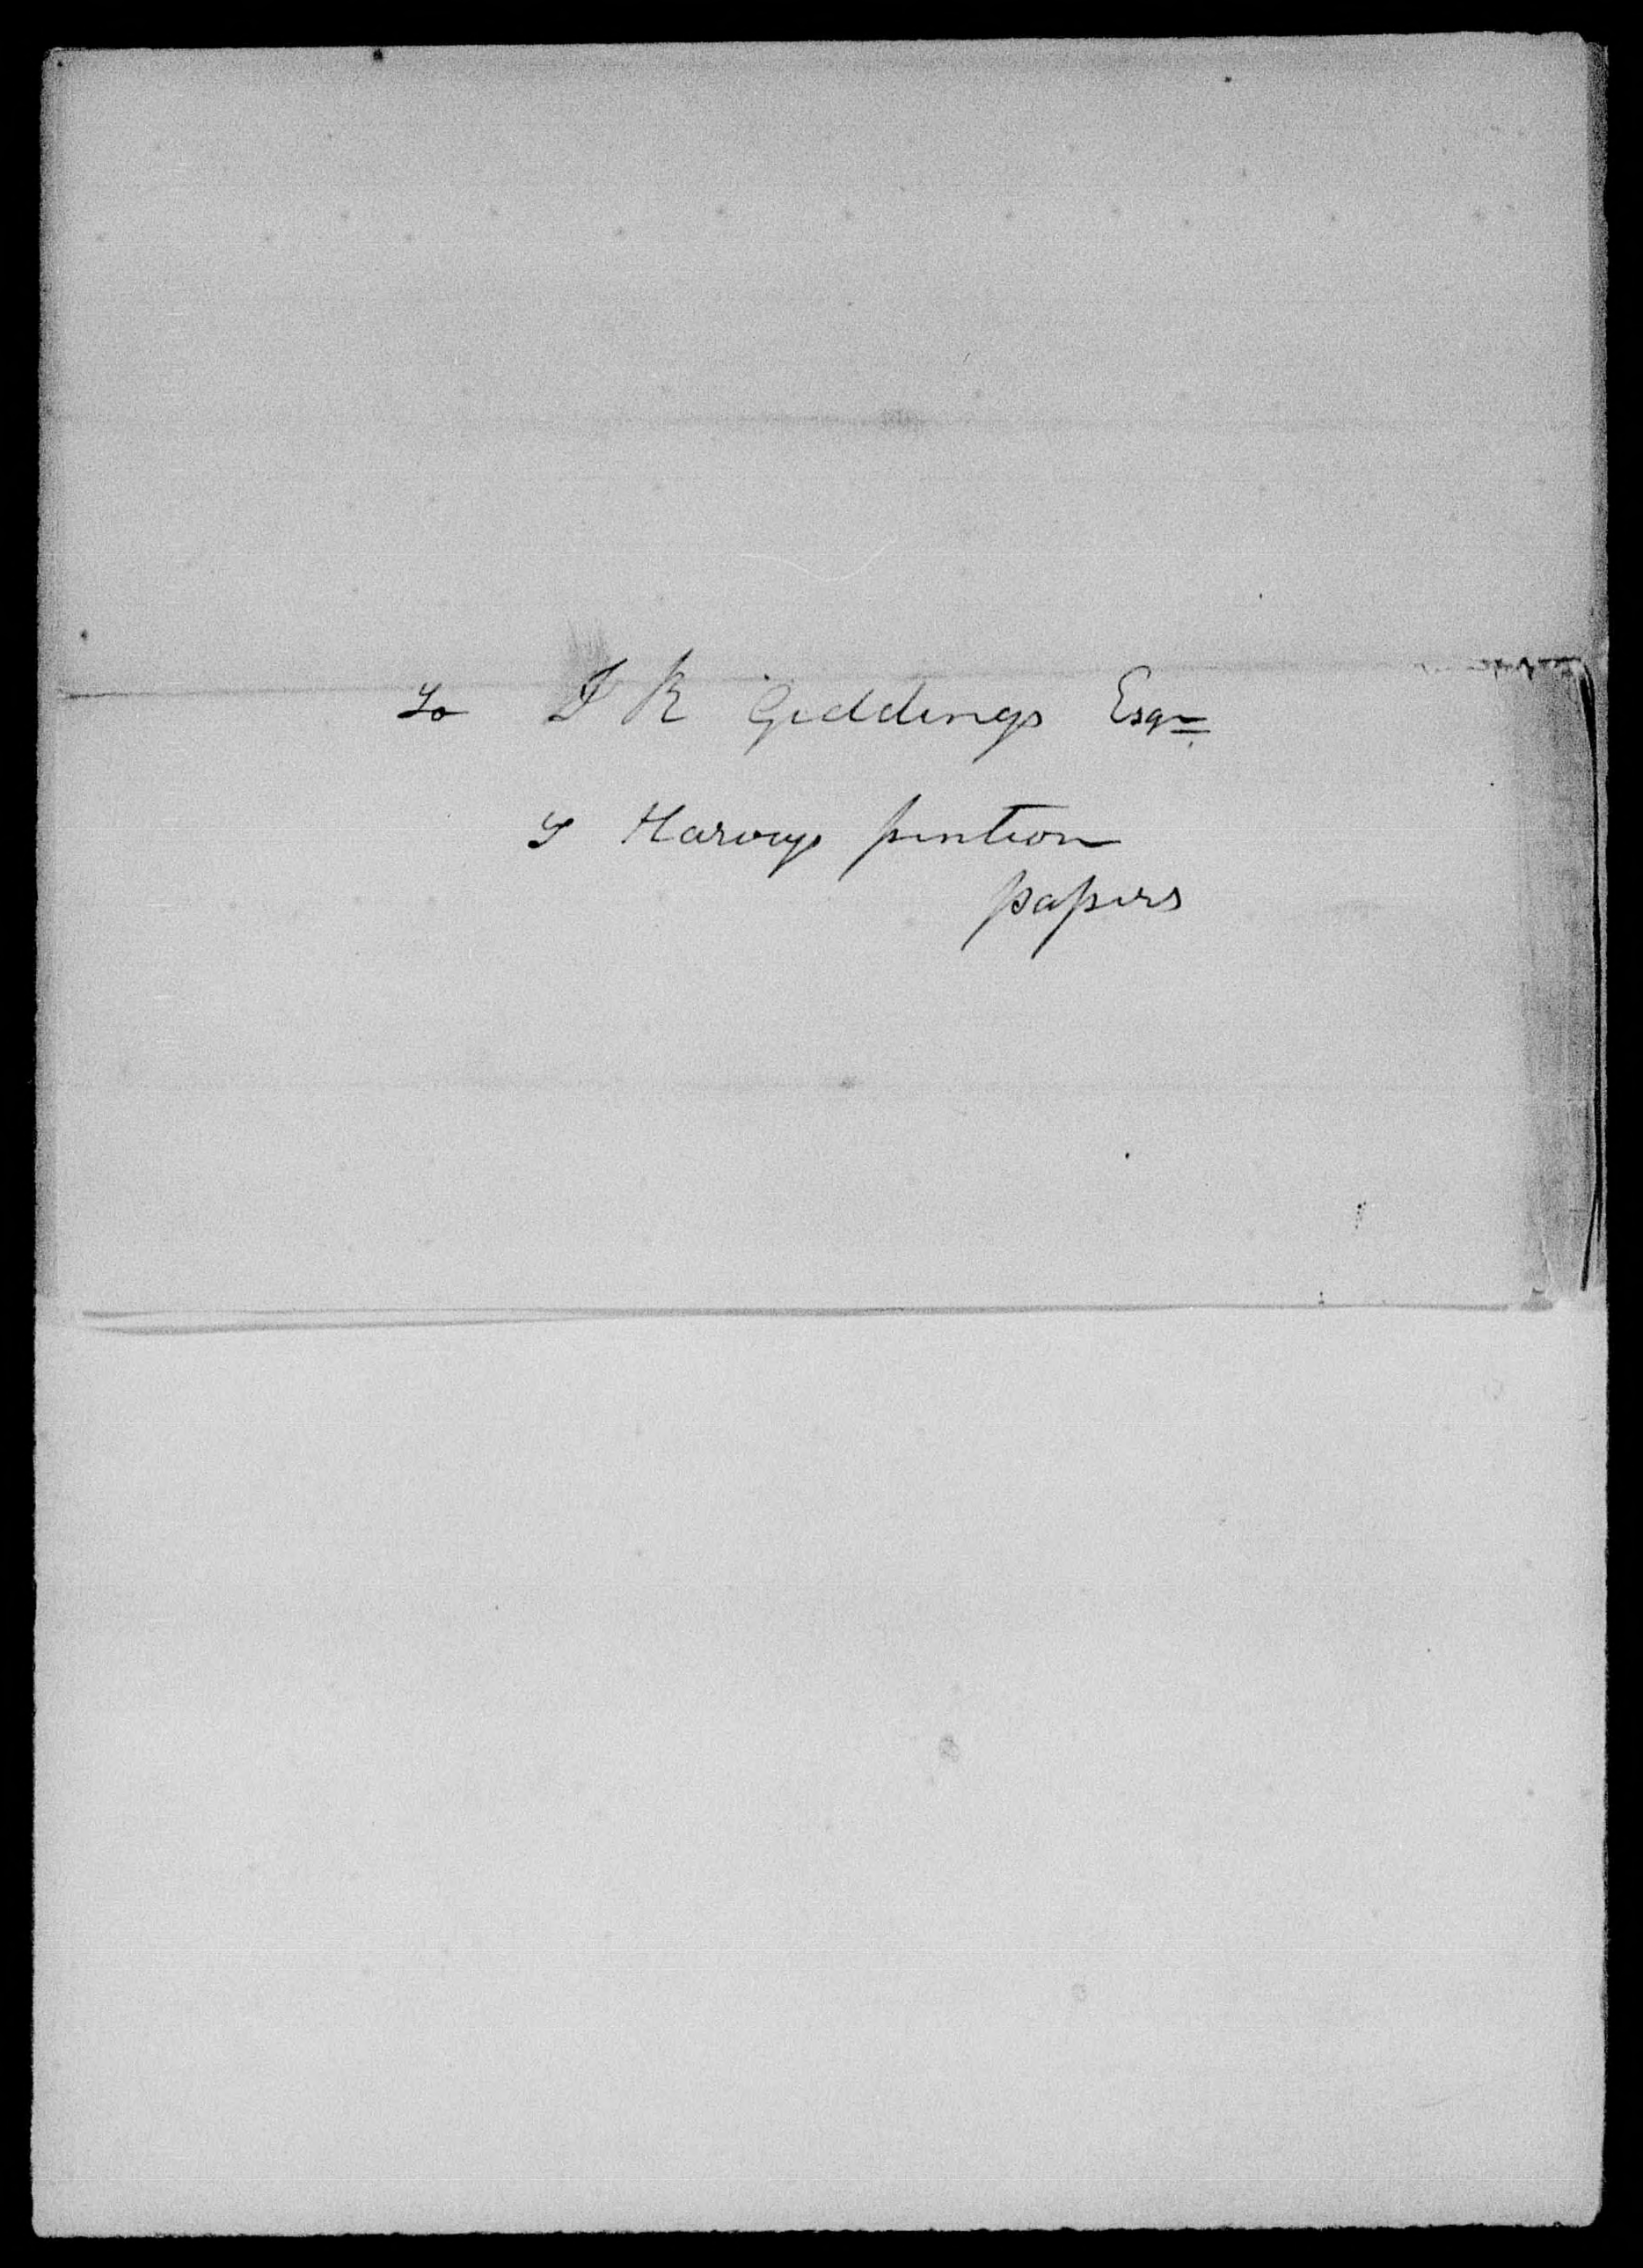To J. R. Giddings Esqr
T. Harvey's pention papers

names: T Harvey, J R Giddings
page: 25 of 80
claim: survivor's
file: S. 18008, Thomas Harvey, N.H.